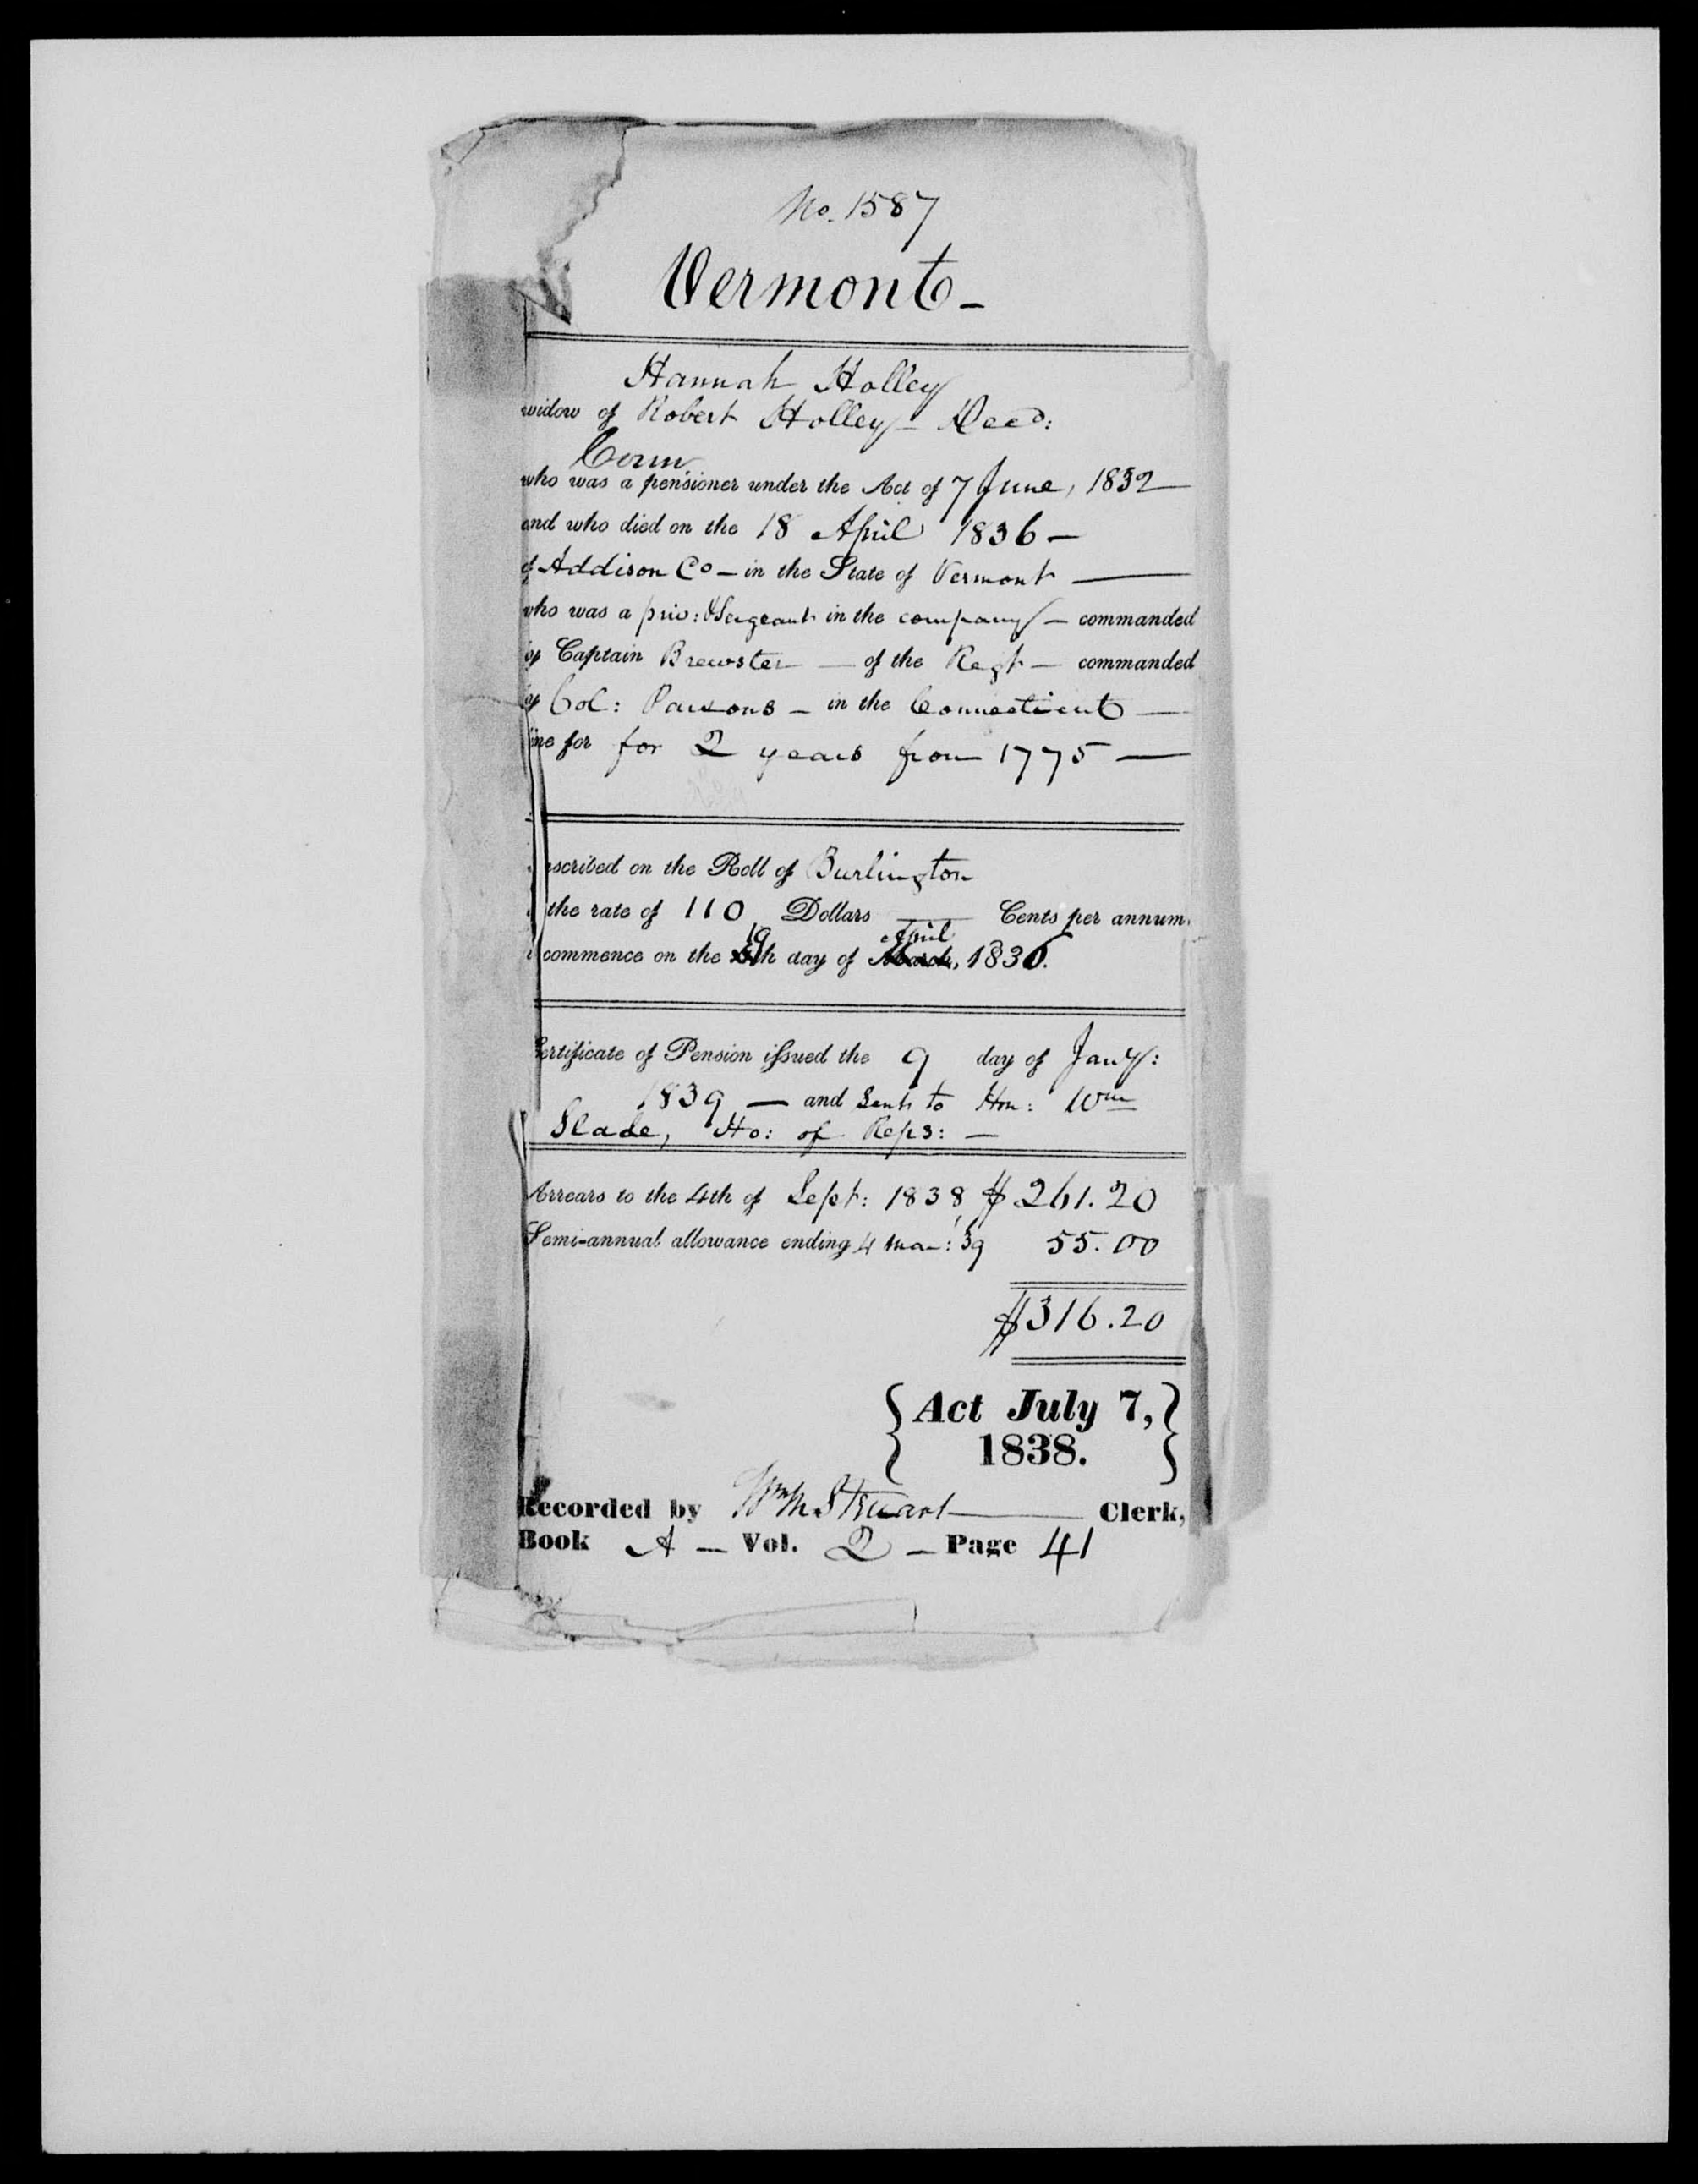No 1587
Vermont
Hannah Holley
widow of Robert Holley decd Conn who was a pensioner under the Act of 7 June 1832 and who died on the 18 April 1836 of Addison Co in the State of Vermont who was a priv & sergeant in the company commanded by Captain Brewster of the Regt commanded by Col Parsons in the Connecticut line for 2 years from 1775.

Inscribed on the Roll of Burlington at the rate of 110 Dollars --- cents per annum, to commence on the 19th day of April 1836.

Certificate of Pension issued the 9 day of Jany: 1839 and sent to Hon Wm Slade, Ho of Reps

Arrears to the 4th of Sept 1838  $261.20
Semi-annl allowance ending 4 Mar '39  
55.00
------------------
$316.20

{Act July 7, 1838}

Recorded by Wm M Stewart Clerk,
Book A, Vol. 2, Page 41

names: Parsons, Wm M Stewart, Hannah Holley, Brewster, Robert Holley, Wm Slade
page: 3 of 62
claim: widow's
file: W. 21391, Robert Holley, Conn.